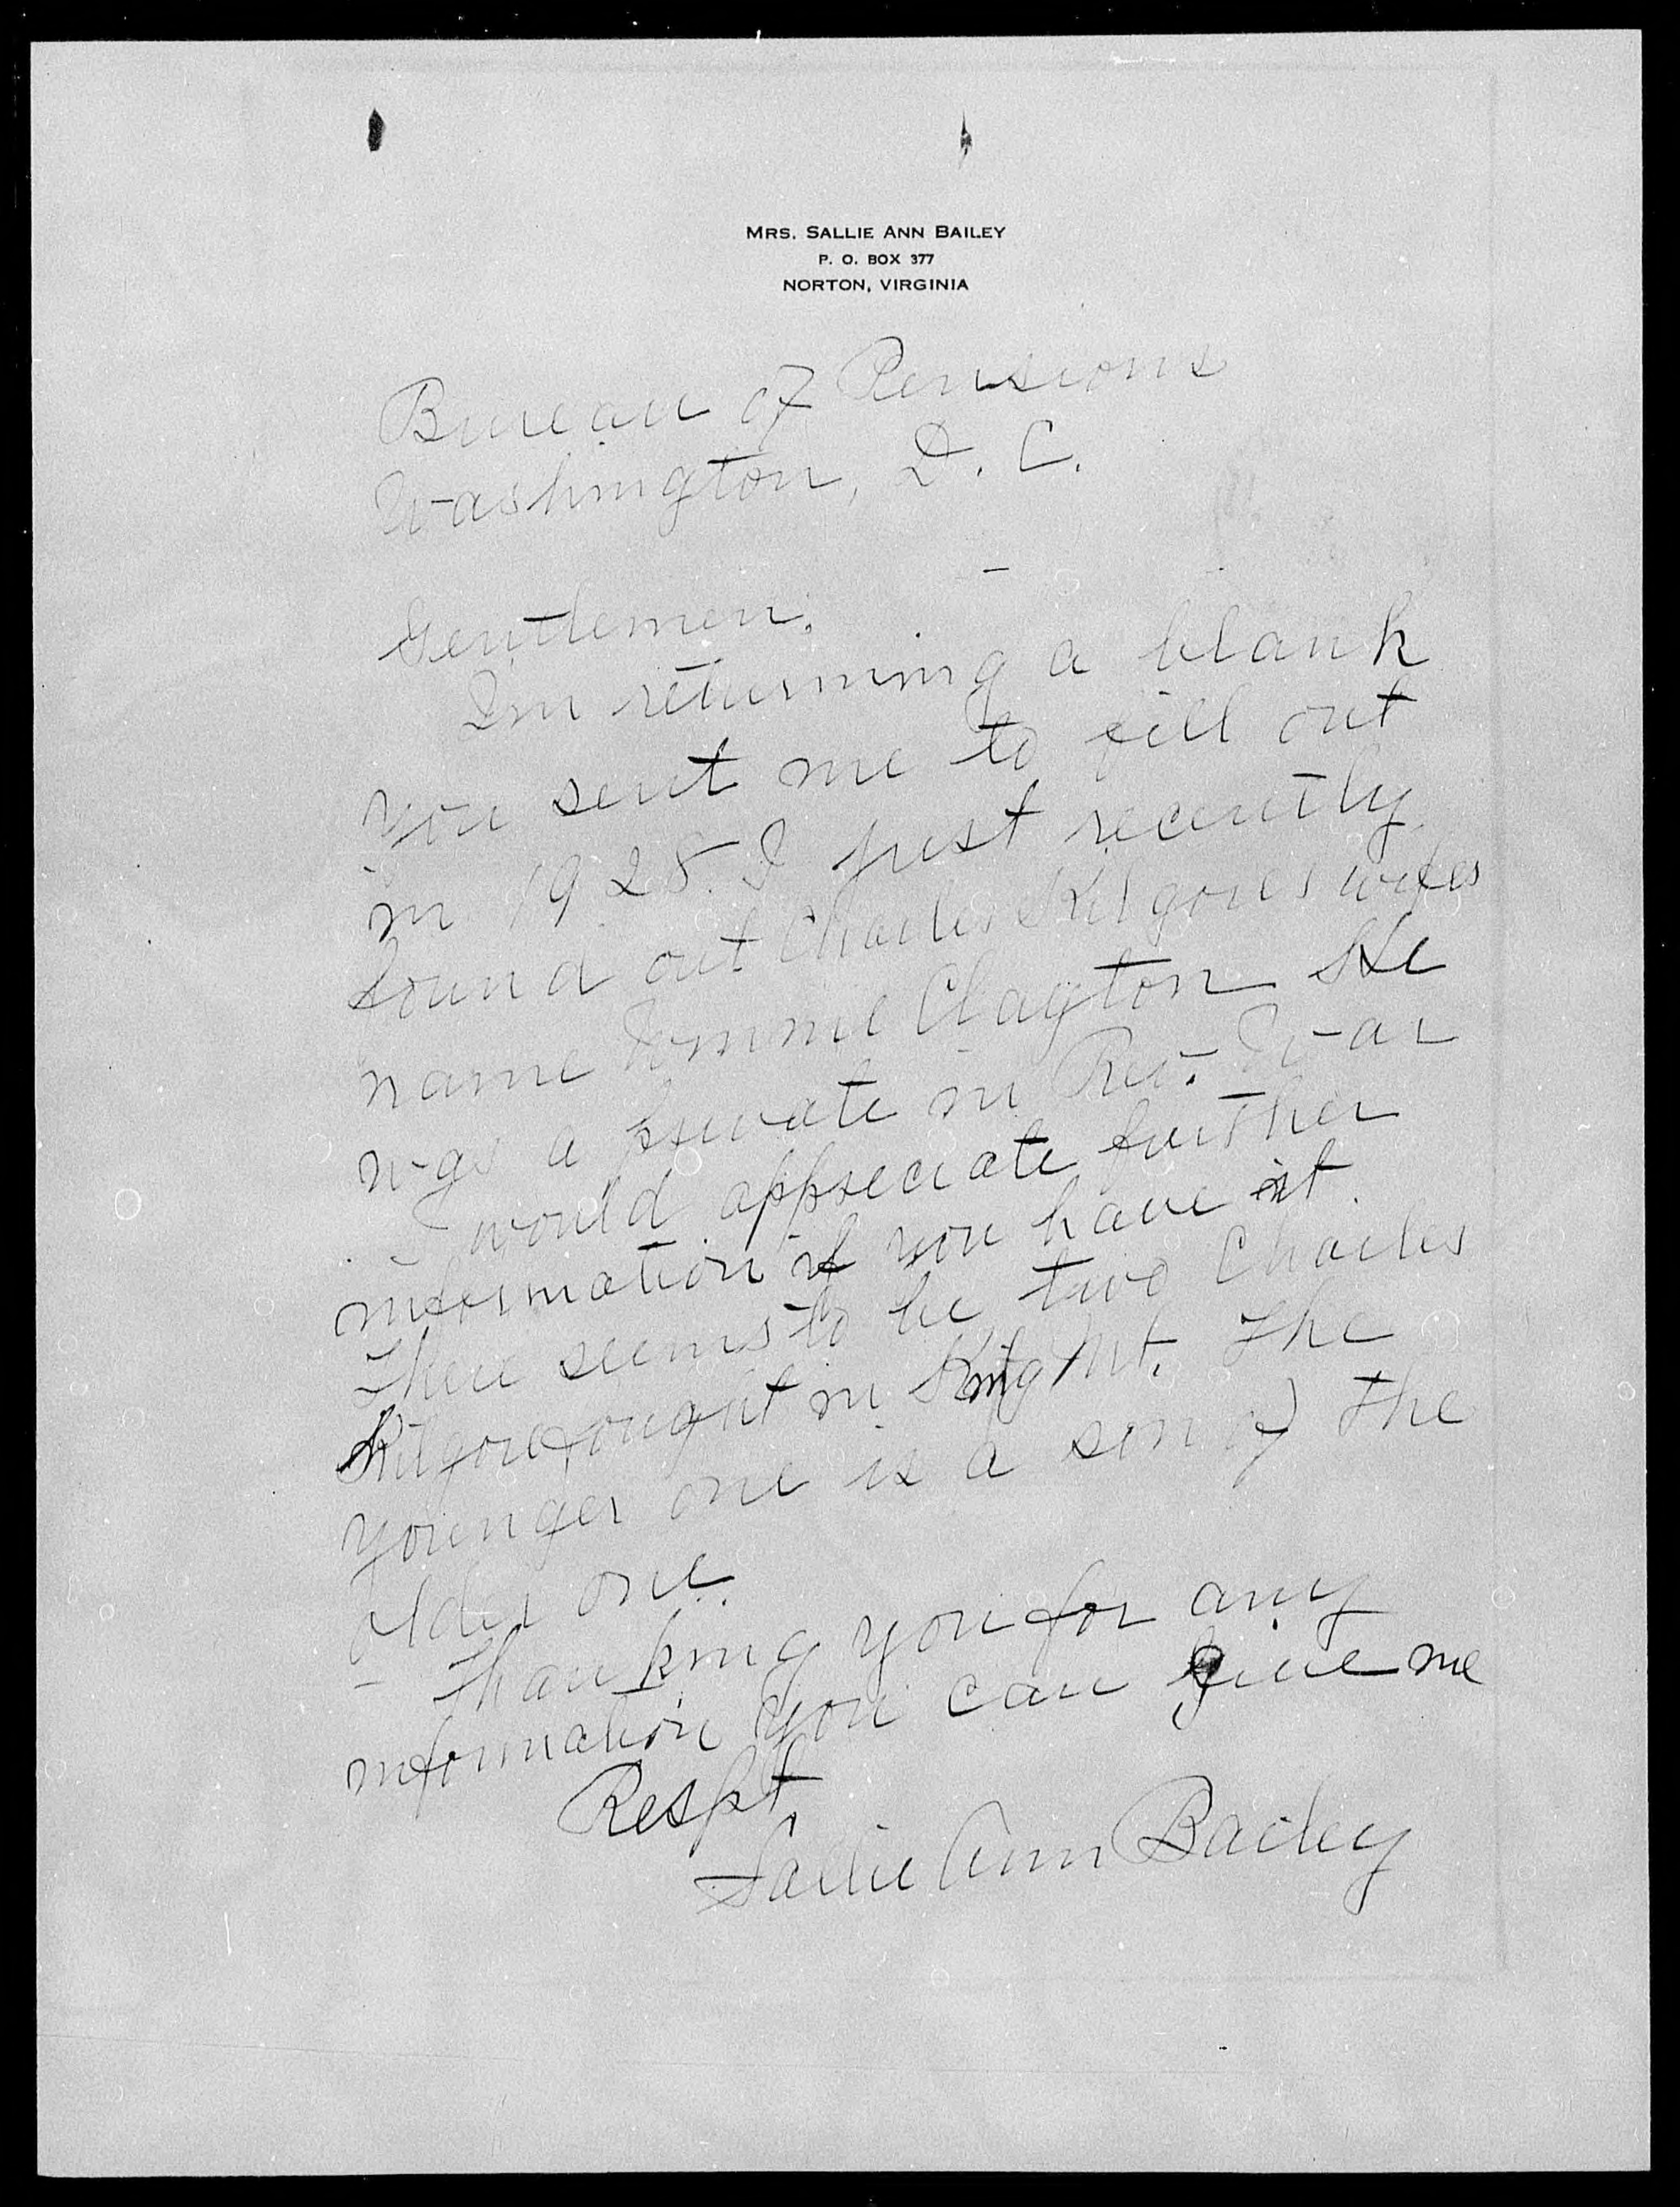MRS. SALLIE ANN BAILEY
P. O. BOX 377
NORTON, VIRGINIA

Bureau of Pensions
Washington, D. C.

Gentlemen,
I'm returning a blank you sent me to fill out in 1928. I just recently found out Charles Kilgores wifes name Winnie Clayton. He was a private in Rev. War
I would appreciate further information if you have it. There seems to be two Charles Kilgore fought on King Mt. The younger one is a son of the older one.
Thanking you for any information you can give me
Respt
Sallie Ann Bailey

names: Winnie Clayton; Sallie Ann Bailey; Charles Kilgore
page: 73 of 115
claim: survivor's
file: S. 699, for Charles Kilgore, Virginia